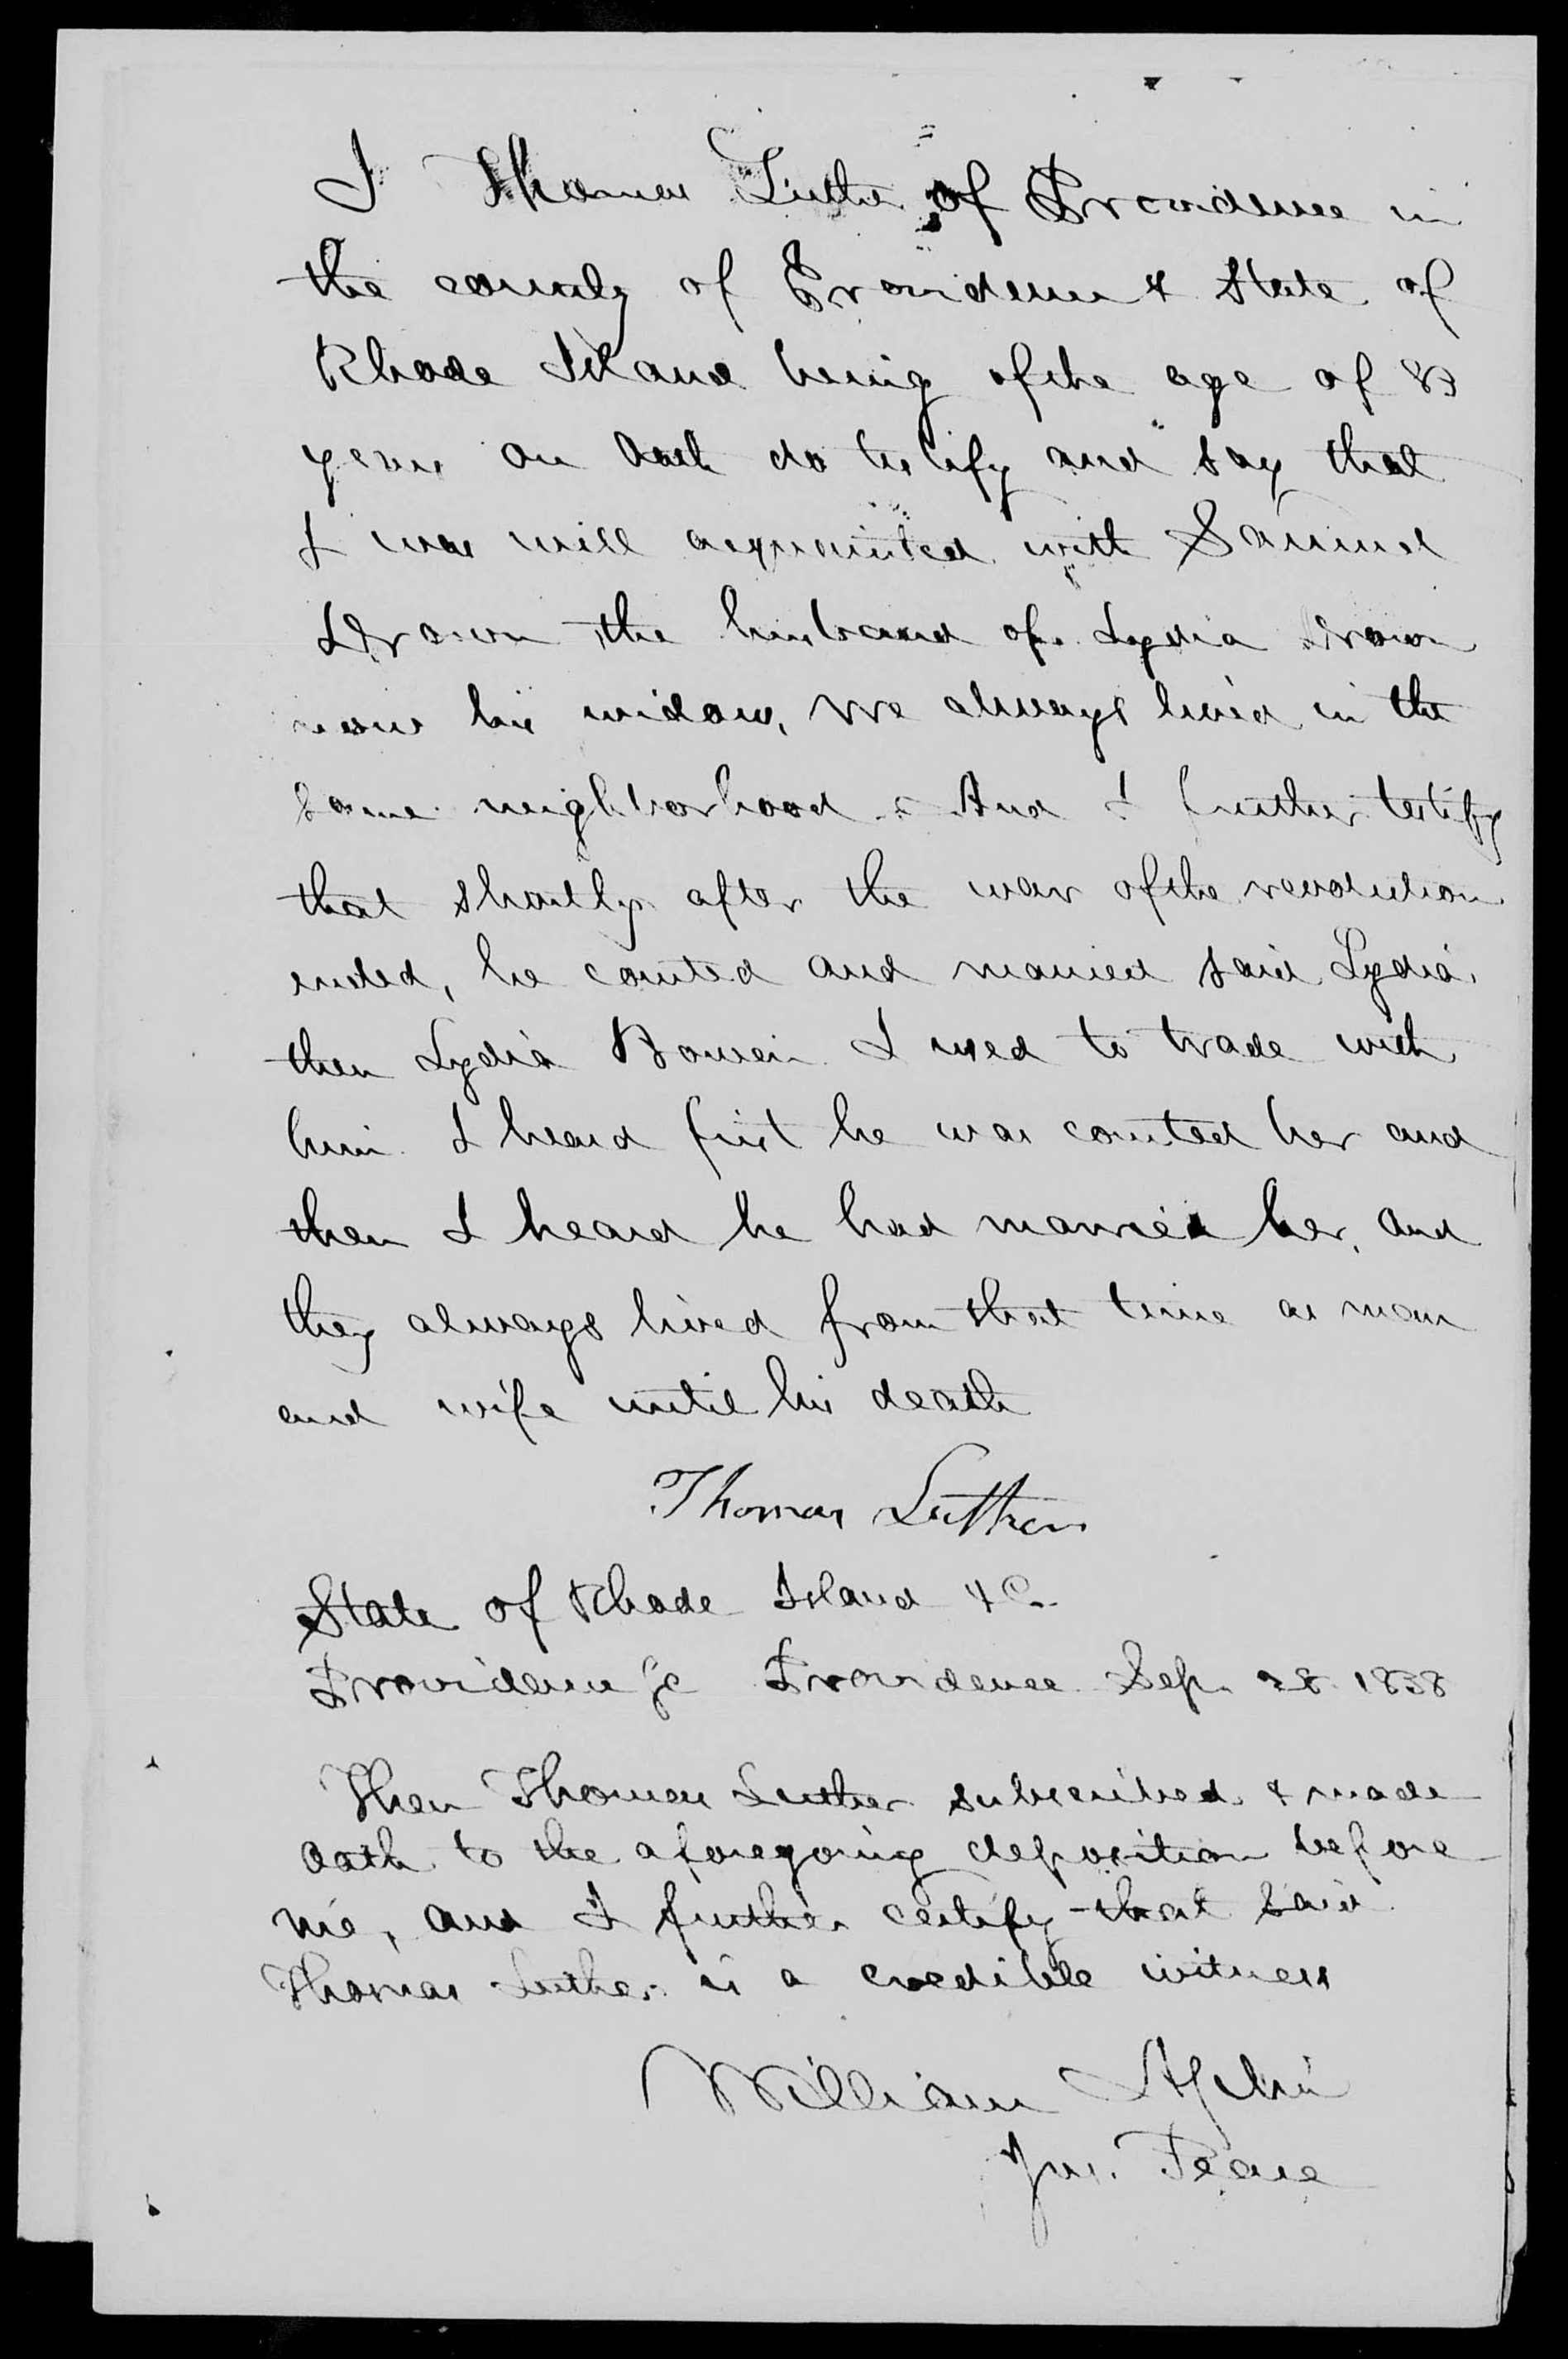I Thomas Luther of Providence in 
the county of Providence & State of
Rhode Island being of the age of 83 years on oath do testify and say that I was well acquainted
the Samuel Drown the husband of Lydia Drown now his widow, we always lived in the same 
neighborhood.  And I hereby testify 
that shortly after the war of the revolution
started, he courted and married Said Lydia,
then Lydia Bowen.  I used to trade with
him. I heard first he was courted her and
then I heard he had married her, and
they always lived from that time as man and wife until his death

Thomas Luther
State of Rhode Island & 
Providence Pl Providence Sep 28, 1838

Then Thomas Luther Subscribed, & made
oath to the aforegoing deposition before
me, and I further certify that said Thomas Luther is a credible witness

William Aplin Jus. Peace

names: Thomas Luther, Thomas Luther, Lydia Drown, Lydia, Thomas Luther, Thomas Luther, William Aplin, Samuel Drown, Lydia Bowen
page: 19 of 31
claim: widow's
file: W 21004, Samuel Drown, R.I.